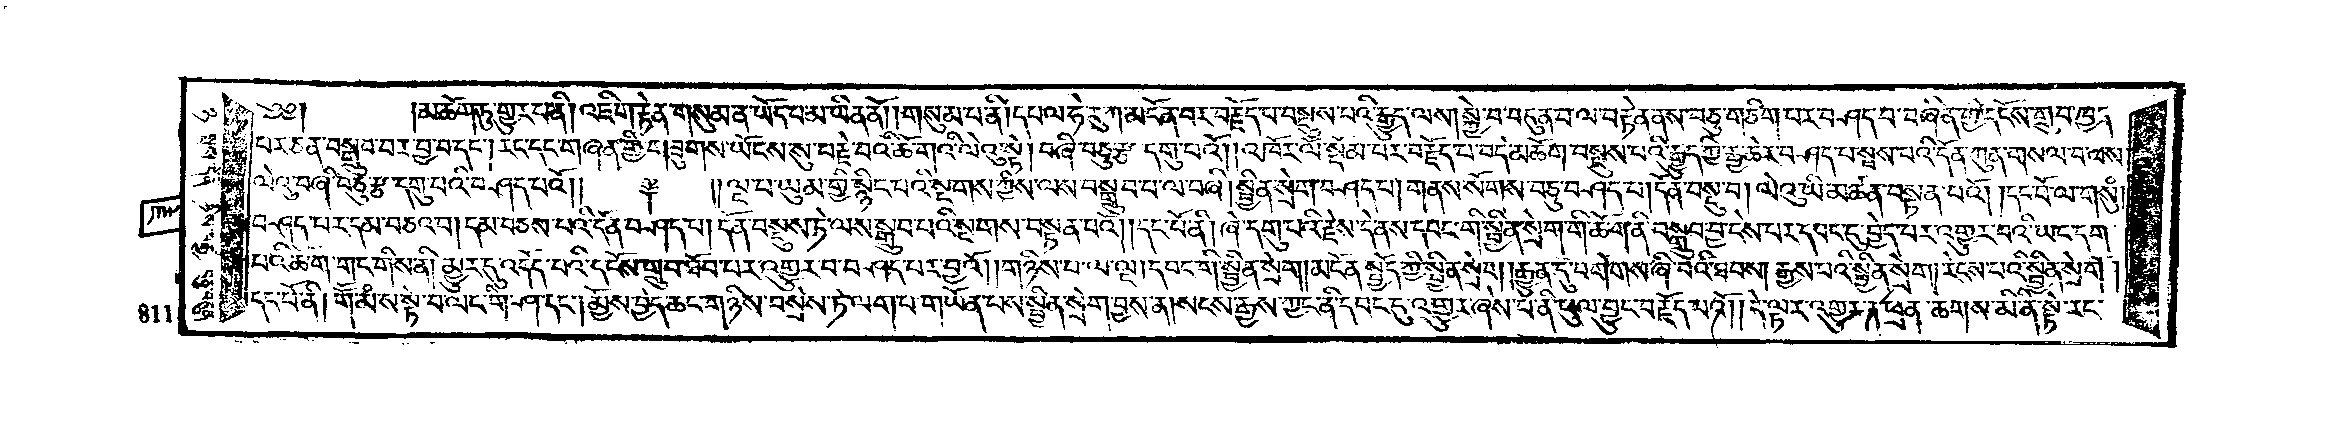༄༅། །མཆོག་ཏུ་གྱུར་པ་ནི། འཇིག་རྟེན་གསུམ་ན་ཡོད་པ་མ་ཡིན་ནོ། །གསུམ་པ་ནི། དཔལ་ཧེ་རུ་ཀ་མངོན་པར་བརྗོད་པ་བསྡུས་པའི་རྒྱུད་ལས། སྐྱེ་བ་བདུན་པ་ལ་བརྟེན་ནས་བཅུ་གཅིག་པར་བཤད་པ་བཞིན་གྱི་དངོས་གྲུབ་ཁྱད་
པར་ཅན་བསྒྲུབ་པར་བྱ་བ་དང་། རང་དང་གཞན་གྱི་གཟུགས་ཡོངས་སུ་བརྗེ་བའི་ཆོ་གའི་ལེའུ་སྟེ། བཞི་བཅུ་རྩ་དགུ་པའོ། །འཁོར་ལོ་སྡོམ་པར་བརྗོད་པ་བདེ་མཆོག་བསྡུས་པའི་རྒྱུད་ཀྱི་རྒྱ་ཆེར་བཤད་པ་སྦས་པའི་དོན་ཀུན་གསལ་བ་ལས་
ལེའུ་བཞི་བཅུ་རྩ་དགུ་པའི་བཤད་པའོ།། ༈ །།ལྔ་པ་ཡུམ་གྱི་སྙིང་པའི་སྔགས་ཀྱིས་ལས་བསྒྲུབ་པ་ལ་བཞི། སྦྱིན་སྲེག་བཤད་པ། གནས་སོགས་བཅུ་བཤད་པ། དོན་བསྡུ་བ། ལེའུ་ཡི་མཚན་བསྟན་པའོ། །དང་པོ་ལ་གསུམ།
བཤད་པར་དམ་བཅའ་བ། དམ་བཅས་པའི་དོན་བཤད་པ། དོན་བསྡུས་ཏེ་ལས་སྒྲུབ་པའི་སྔགས་བསྟན་པའོ། །དང་པོ་ནི། ཞེ་དགུ་པའི་རྗེས་དེ་ནས་དབང་གི་སྦྱིན་སྲེག་གི་ཆོ་ག་ནི་བསྒྲུབ་བྱ་ངེས་པར་དབང་དུ་བྱེད་པར་འགྱུར་བའི་ཡང་དག་
པའི་ཆོ་ག་གང་གིས་ནི། མྱུར་དུ་འདོད་པའི་དངོས་གྲུབ་ཐོབ་པར་འགྱུར་བ་བཤད་པར་བྱའོ། །གཉིས་པ་ལ་ལྔ། དབང་གི་སྦྱིན་སྲེག །མངོན་སྤྱོད་ཀྱི་སྦྱིན་སྲེག །རྒྱུན་དུ་བགེགས་ཞི་བའི་ཐབས། རྒྱས་པའི་སྦྱིན་སྲེག །རེངས་པའི་སྦྱིན་སྲེག་གོ །
དང་པོ་ནི། གཽ་མཾ་ས་སྟེ་བ་ལང་གི་ཤ་དང་། མྱོས་བྱེད་ཆང་གཉིས་བསྲེས་ཏེ་ལག་པ་གཡོན་པས་སྦྱིན་སྲེག་བྱས་ན། སངས་རྒྱས་ཀྱང་ནི་དབང་དུ་འགྱུར་ཞེས་པ་ནི་ཕུལ་བྱུང་བརྗོད་པའོ། །དེ་ལྟར་འགྱུར་ན་ཕྲན་ཆེགས་མེ་ནི་སྟེ་རང་